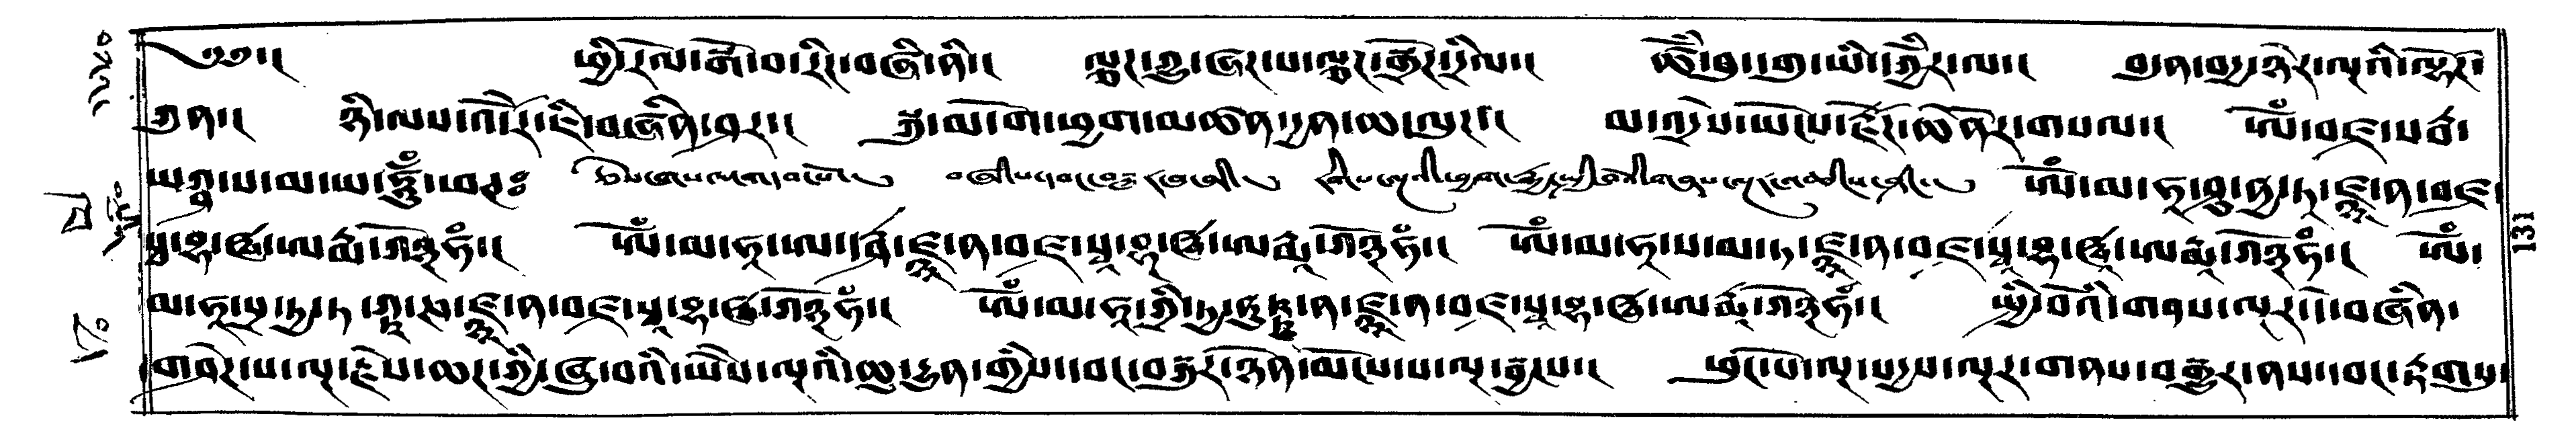ཕྱི་རོལ་སྒོ་བ་རིགས་བཞི་ནི། །ལྕགས་ཀྱུ་ཞགས་པ་ལྕགས་སྒྲོག་དྲིལ། །ཚོམ་བུ་དགུ་ཡི་དཀྱིལ་འཁོར་ལ། །བདུན་བརྒྱ་ཉེར་ལྔའི་ལྷ་ཚོགས་
ཀུན། །ཉི་ལས་འོད་ཟེར་ཇི་བཞིན་ཤར། །སྐུ་མདོག་ཕྱག་མཚན་རྒྱན་ཆ་ལུགས། །མ་འདྲེས་ཡོངས་རྫོགས་ཆེན་པོར་གསལ།། ཨོཾ་བཛྲ་སརྦ་
ཡཀྴ་ས་མ་ཡ་ཧཱུྃ་ཕཊཿ ཅེས་གསལ་གདབ་བོ། བཞི་པ་དབང་བསྐུར་བ་ནི། རིགས་ལྔའི་ཕྱག་རྒྱ་སྤྱི་བོའི་གནས་ལྔར་འཆིང་ཤིང་། ཨོཾ་མ་ཧཱ་ཤུནྱ་ཏཱ་ཛྙཱ་ན་བཛྲ་
སྭ་བྷ་ཝ་ཨཏྨ་ཀོཉཧཾ། ཨོཾ་མ་ཧཱ་ཨང་རྴ་ཛྙ་ན་བཛྲ་སྭ་བྷཱ་ཝ་ཨཏྨཱ་ཀོཉཧཾ། ཨོཾ་མ་ཧཱ་ས་མ་ཏ་ཛྙཱ་ན་བཛྲ་སྭ་བྷ་ཝཱ་ཨཏྨཱ་ཀོཉཧཾ། ཨོཾ་
མ་ཧཱ་པྲ་ཏྱ་བེ་ཀྵ་ཎ་ཛྙཱ་ན་བཛྲ་སྭ་བྷ་ཝ་ཨཏྨཱ་ཀོཉཧཾ། ཨོཾ་མ་ཧཱ་ཀྲི་ཏྱ་ནུརཏྲ་ན་ཛྙཱ་ན་བཛྲ་སྭ་བྷ་ཝ་ཨཏྨཱ་ཀོཉཧཾ། སྤྱི་བོའི་གནས་ལྔར་དེ་བཞིན་
གཤེགས་པ་ལྔ་རྗེས་ཆགས་ཀྱི་ཞུ་བའི་ཡེ་ཤེས་ལྔའི་ཆུ་རྒྱུན་གྱིས་དབང་བསྐུར། ཉོན་མོངས་པ་ལྔ་སྦྱངས།ཕུང་པོ་ལྔ་སངས་རྒྱས་ལྔར་གནས་འགྱུར་ནས་དབང་རྟགས་སུ་